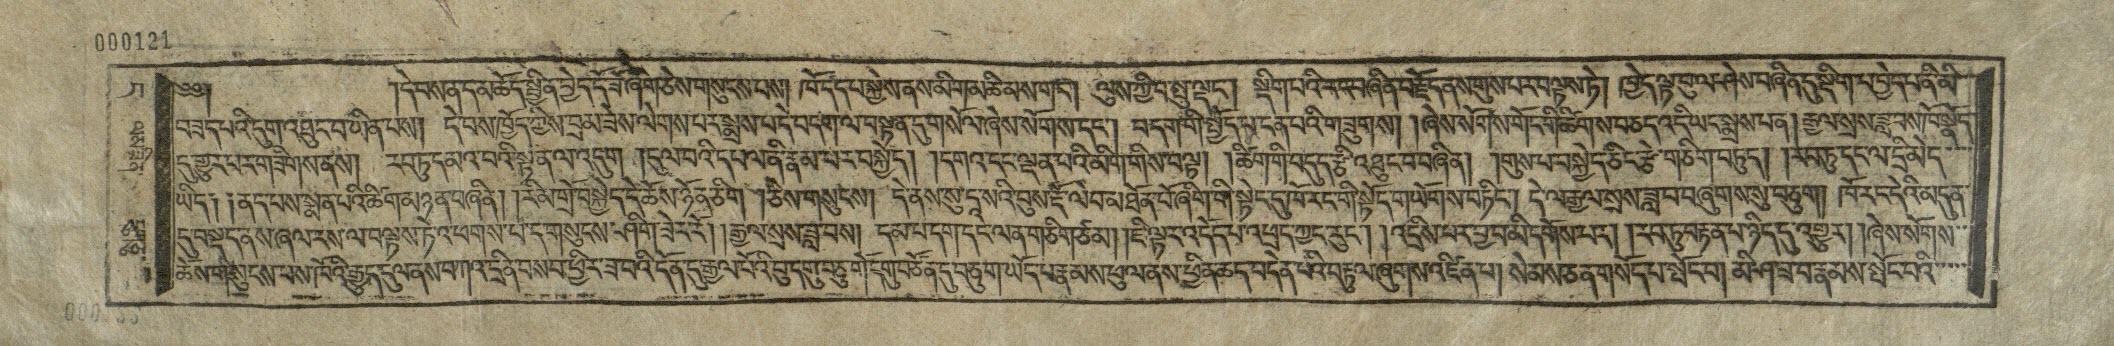༄༅། །དེ་བས་ན་ད་མཆོད་སྦྱིན་བྱེད་དོ་ཟོ་ཞིག་ཅེས་གསུངས་པས། ཁོ་དད་པ་སྐྱེས་ནས་མིག་མཆི་མས་གང་། ལུས་ཀྱི་བ་སྤུ་ལྡང་། སྡིག་པའི་རང་བཞིན་བརྗོད་ནས་གུས་པར་བལྟས་ཏེ། ཁྱེད་ལྟ་བུ་ལ་ཤེས་བཞིན་དུ་སྡིག་པ་བྱེད་པ་ནི་མི་
བཟད་པའི་དུག་འཐུང་བ་ཡིན་པས། དེ་བས་ཁྱོད་ཀྱིས་བྲམ་ཟེས་ལེགས་པར་སྨྲས་པ་དེ་བདག་ལ་བསྟན་དུ་གསོལ་ཞེས་སོགས་དང་། བདག་གི་སྤྱོད་པ་ངན་པའི་གཟུགས། །ཞེས་སོགས་གོང་གི་ཚིགས་བཅད་འདི་ཡང་སྨྲས་པ་ན། རྒྱལ་སྲས་ཟླ་བས་ཁོ་སྣོད་
དུ་གྱུར་པར་གཟིགས་ནས། རབ་ཏུ་དམའ་བའི་སྟན་ལ་འདུག །དུལ་བའི་དཔལ་ནི་རྣམ་པར་བསྐྱེད། །དགའ་དང་ལྡན་པའི་མིག་གིས་བལྟ། །ཚིག་གི་བདུད་རྩི་འཐུང་བ་བཞིན། །གུས་པ་བསྐྱེད་ཅིང་རྩེ་གཅིག་བཏུད། །རབ་ཏུ་དང་ལ་དྲི་མེད་
ཡིད༑ ༑ནད་པས་སྨན་པའི་ཚིག་མཉན་བཞིན། །རིམ་གྲོ་བསྐྱེད་དེ་ཆོས་ཉོན་ཅིག །ཅེས་གསུངས། དེ་ནས་སུ་དཱ་སའི་བུས་རྡོ་ལེབ་མཐོན་པོ་ཞིག་གི་སྟེང་དུ་ཁོ་རང་གི་སྟོད་གཡོགས་བཏིང་། དེ་ལ་རྒྱལ་སྲས་ཟླ་བ་བཞུགས་སུ་བཅུག །ཁོ་རང་དེའི་མདུན་
དུ་བསྡད་ནས་ཞལ་རས་ལ་བལྟས་ཏེ་འཕགས་པ་ད་གསུངས་ཤིག་ཟེར་རོ། །རྒྱལ་སྲས་ཟླ་བས། དམ་པ་དག་དང་ལན་གཅིག་ཙམ། །ཇི་ལྟར་འདོད་པ་འཕྲད་ཀྱང་རུང་། །འདྲིས་པར་བྱ་བ་མི་དགོས་པར། །རབ་ཏུ་བརྟན་པ་ཉིད་དུ་འགྱུར། །ཞེས་སོགས་
ཆོས་གསུངས་པས་ཁོའི་རྒྱུད་དུལ་ནས་བཀའ་དྲིན་བསབ་ཕྱིར་ཟ་བའི་དོན་དུ་རྒྱལ་པོའི་བུ་དགུ་བཅུ་གོ་དགུ་བཙོན་དུ་བཅུག་ཡོད་པ་རྣམས་ཕུལ་ནས་ཕྱིན་ཆད་བདེན་པའི་བརྟུལ་ཞུགས་འཛིན་པ། སེམས་ཅན་གསོད་པ་སྤོང་བ། མི་ཤ་ཟ་བ་རྣམས་སྤོང་བའི་